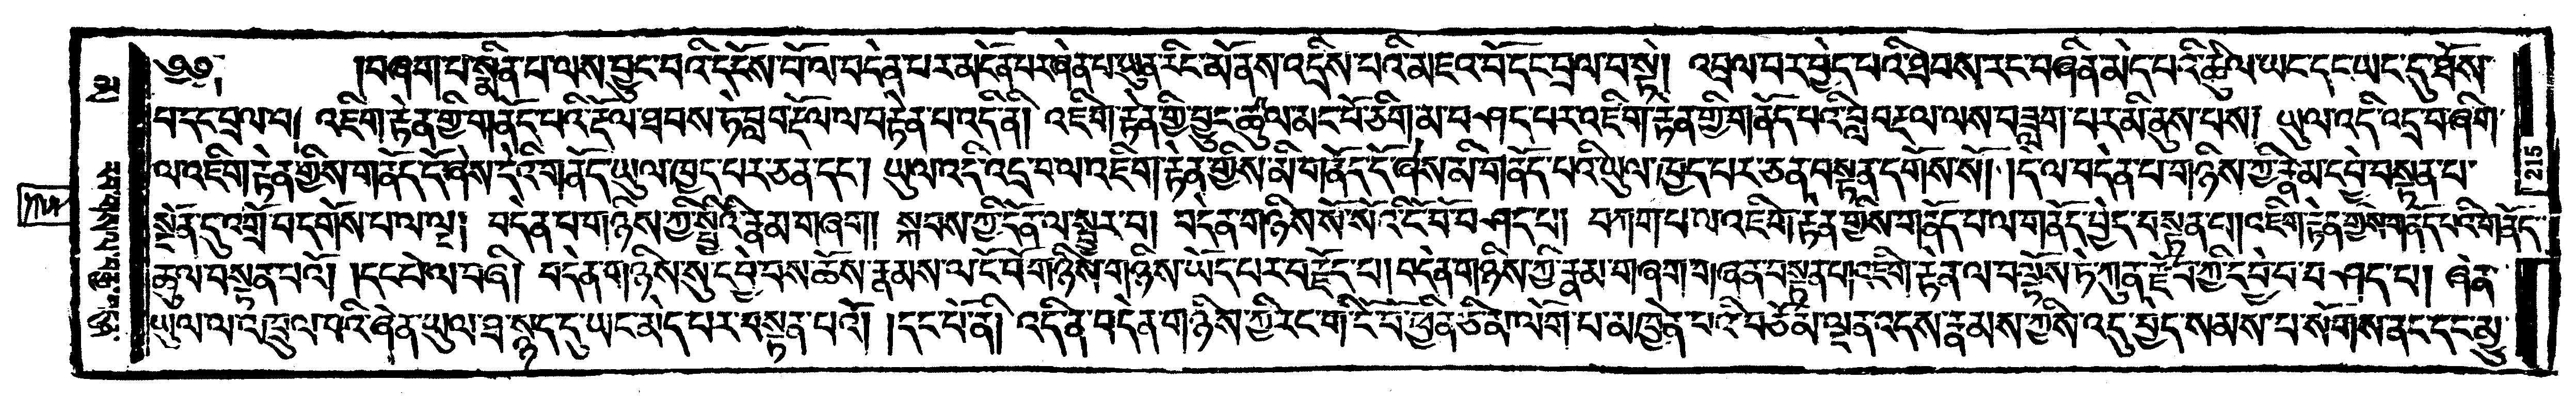༄༅། །བཞག་པ་སྨིན་པ་ལས་བྱུང་བའི་དངོས་པོ་ལ་བདེན་པར་མངོན་པར་ཞེན་པ་ཡུན་རིང་མོ་ནས་འདྲིས་པའི་མཛའ་བོ་དང་བྲལ་བ་སྟེ། འབྲལ་བར་བྱེད་པའི་ཐབས་རང་བཞིན་མེད་པའི་ཚུལ་ཡང་དང་ཡང་དུ་ཐོས་
པ་དང་བྲལ་བ། འཇིག་རྟེན་གྱི་གནོད་པའི་རྡོལ་ཐབས་ཏེ་བླ་བརྡོལ་ལ་བརྟེན་པ་འདི་ནི། འཇིག་རྟེན་གྱི་བྱུང་ཚུལ་མང་པོ་ཅིག་མ་བཤད་པར་འཇིག་རྟེན་གྱི་གནོད་པའི་བླ་བརྡོལ་ལས་བཟློག་པར་མི་ནུས་པས། ཡུལ་འདི་འདྲ་བ་ཞིག་
ལ་འཇིག་རྟེན་གྱིས་གནོད་དོ་ཞེས་དེའི་གནོད་ཡུལ་ཁྱད་པར་ཅན་དང་། ཡུལ་འདི་འདྲ་བ་ལ་འཇིག་རྟེན་གྱིས་མི་གནོད་དོ་ཞེས་མི་གནོད་པའི་ཡུལ་ཁྱད་པར་ཅན་བསྟན་དགོས་སོ། །དེ་ལ་བདེན་པ་གཉིས་ཀྱི་རྣམ་དབྱེ་བསྟན་པ་
སྔོན་དུ་འགྲོ་བ་དགོས་པ་ལ་ལྔ། བདེན་པ་གཉིས་ཀྱི་སྤྱིའི་རྣམ་གཞག། སྐབས་ཀྱི་དོན་ལ་སྦྱར་བ། བདེན་གཉིས་སོ་སོའི་ངོ་བོ་བཤད་པ། བཀག་པ་ལ་འཇིག་རྟེན་གྱིས་གནོད་པ་ལ་གནོད་བྱེད་བསྟན་པ། འཇིག་རྟེན་གྱིས་གནོད་པའི་གནོད་
ཚུལ་བསྟན་པའོ། །དང་པོ་ལ་བཞི། བདེན་གཉིས་སུ་དབྱེ་བས་ཆོས་རྣམས་ལ་ངོ་བོ་གཉིས་གཉིས་ཡོད་པར་བརྗོད་པ། བདེན་གཉིས་ཀྱི་རྣམ་བཞག་གཞན་བསྟན་པ། འཇིག་རྟེན་ལ་བལྟོས་ཏེ་ཀུན་རྫོབ་ཀྱི་དབྱེ་བ་བཤད་པ། ཞེན་
ཡུལ་ལ་འཁྲུལ་བའི་ཞེན་ཡུལ་ཐ་སྙད་དུ་ཡང་མེད་པར་བསྟན་པའོ། །དང་པོ་ནི། འདི་ན་བདེན་གཉིས་ཀྱི་རང་གི་ངོ་བོ་ཕྱིན་ཅི་མ་ལོག་པ་མཁྱེན་པའི་བཅོམ་ལྡན་འདས་རྣམས་ཀྱིས་འདུ་བྱེད་སེམས་པ་སོགས་ནད་དང་མྱུ་